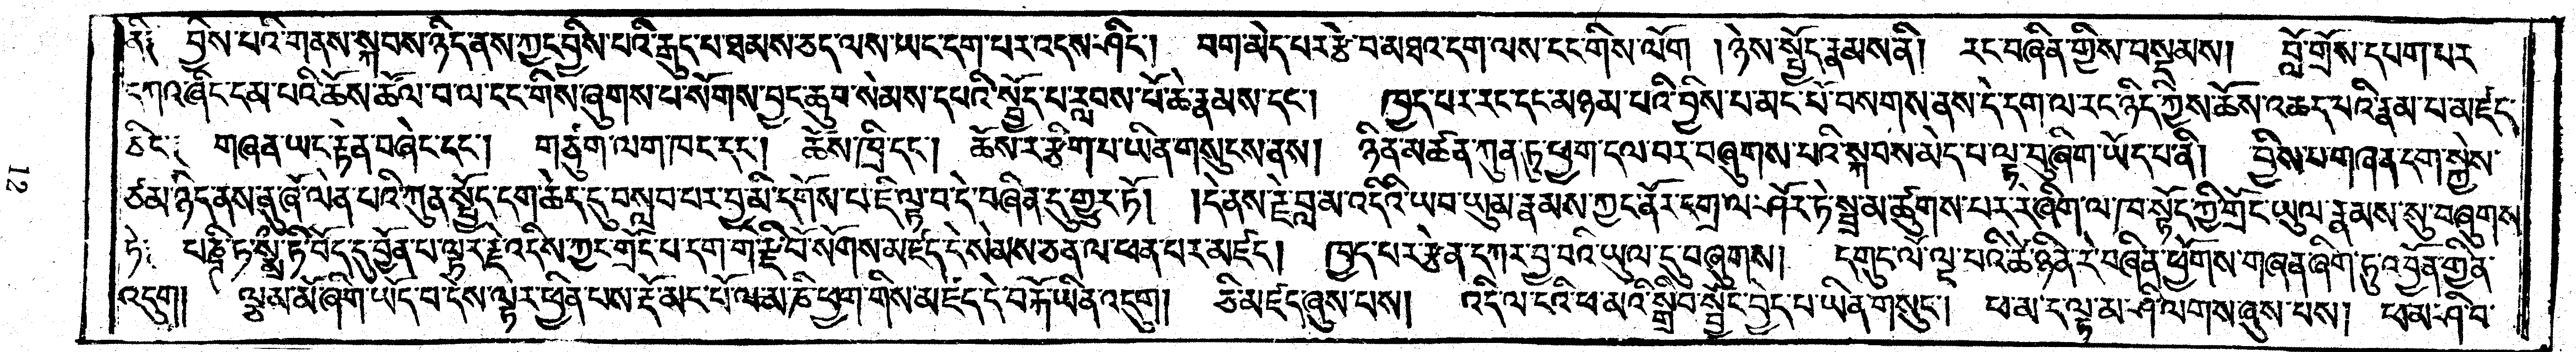ནི༑ བྱིས་པའི་གནས་སྐབས་ཉིད་ནས་ཀྱང་བྱིས་པའི་རྒུད་པ་ཐམས་ཅད་ལས་ཡང་དག་པར་འདས་ཤིང་། བག་མེད་པར་རྩེ་བ་མཐའ་དག་ལས་ངང་གིས་ལོག །ཉེས་སྤྱོད་རྣམས་ནི། རང་བཞིན་གྱིས་བསྡམས། བློ་གྲོས་དཔག་པར་
དཀའ་ཞིང་དམ་པའི་ཆོས་ཚོལ་བ་ལ་ངང་གིས་ཞུགས་པ་སོགས་བྱང་ཆུབ་སེམས་དཔའི་སྤྱོད་པ་རླབས་པོ་ཆེ་རྣམས་དང་། ཁྱད་པར་རང་དང་མཉམ་པའི་བྱིས་པ་མང་པོ་བསགས་ནས་དེ་དག་ལ་རང་ཉིད་ཀྱིས་ཆོས་འཆད་པའི་རྣམ་པ་མཛད་
ཅིང༑ གཞན་ཡང་རྟེན་བཞེང་དང་། གཙུག་ལག་ཁང་དང་། ཆོས་ཁྲི་དང་། ཆོས་ར་རྩིག་པ་ཡིན་གསུངས་ནས། ཉིན་མཚན་ཀུན་ཏུ་ཕྱག་དལ་བར་བཞུགས་པའི་སྐབས་མེད་པ་ལྟ་བུ་ཞིག་ཡོད་པ་ནི། བྱིས་པ་གཞན་དག་སྐྱེས་
ཙམ་ཉིད་ནས་ནུ་ཞོ་ལེན་པའི་ཀུན་སྤྱོད་དག་ཆེད་དུ་བསླབ་པར་བྱ་མི་དགོས་པ་ཇི་ལྟ་བ་དེ་བཞིན་དུ་གྱུར་ཏོ། །དེ་ནས་རྗེ་བླ་མ་འདིའི་ཡབ་ཡུམ་རྣམས་ཀྱང་ནོར་དགྲ་ལ་ཤོར་ཏེ་སྦྲ་མ་ཚུགས་པར་རེ་ཞིག་ལ་ཁ་སྟོད་ཀྱི་གྲོང་ཡུལ་རྣམས་སུ་བཞུགས་
ཏེ༑ པཎྚི་ཏ་སྨྲྀ་ཏི་བོད་དུ་བྱོན་པ་ལྟར་རྗེ་འདིས་ཀྱང་གྲོང་པ་དག་གི་རྫི་པོ་སོགས་མཛད་དེ་སེམས་ཅན་ལ་ཕན་པར་མཛད། ཁྱད་པར་རྩེན་དཀར་བྱ་བའི་ཡུལ་དུ་བཞུགས། དགུང་ལོ་ལྔ་པའི་ཚེ་ཉིན་རེ་བཞིན་ཕྱོགས་གཞན་ཞིག་ཏུ་འབྱོན་གྱིན་
འདུག། ལྕམ་མོ་ཞིག་ཡོད་པ་དེས་ལྟར་ཕྱིན་པས་རྡོ་མང་པོ་ལ་མ་ཎི་ཕྱག་གིས་མཛད་དེ་བརྐོ་ཡིན་འདུག། ཅི་མཛད་ཞུས་པས། འདི་ལ་ངའི་ཕ་མའི་སྒྲིབ་སྦྱོང་བྱེད་པ་ཡིན་གསུང་། ཕ་མ་ད་ལྟ་མ་ཤི་ལགས་ཞུས་པས། ཕམ་ཤི་བ་